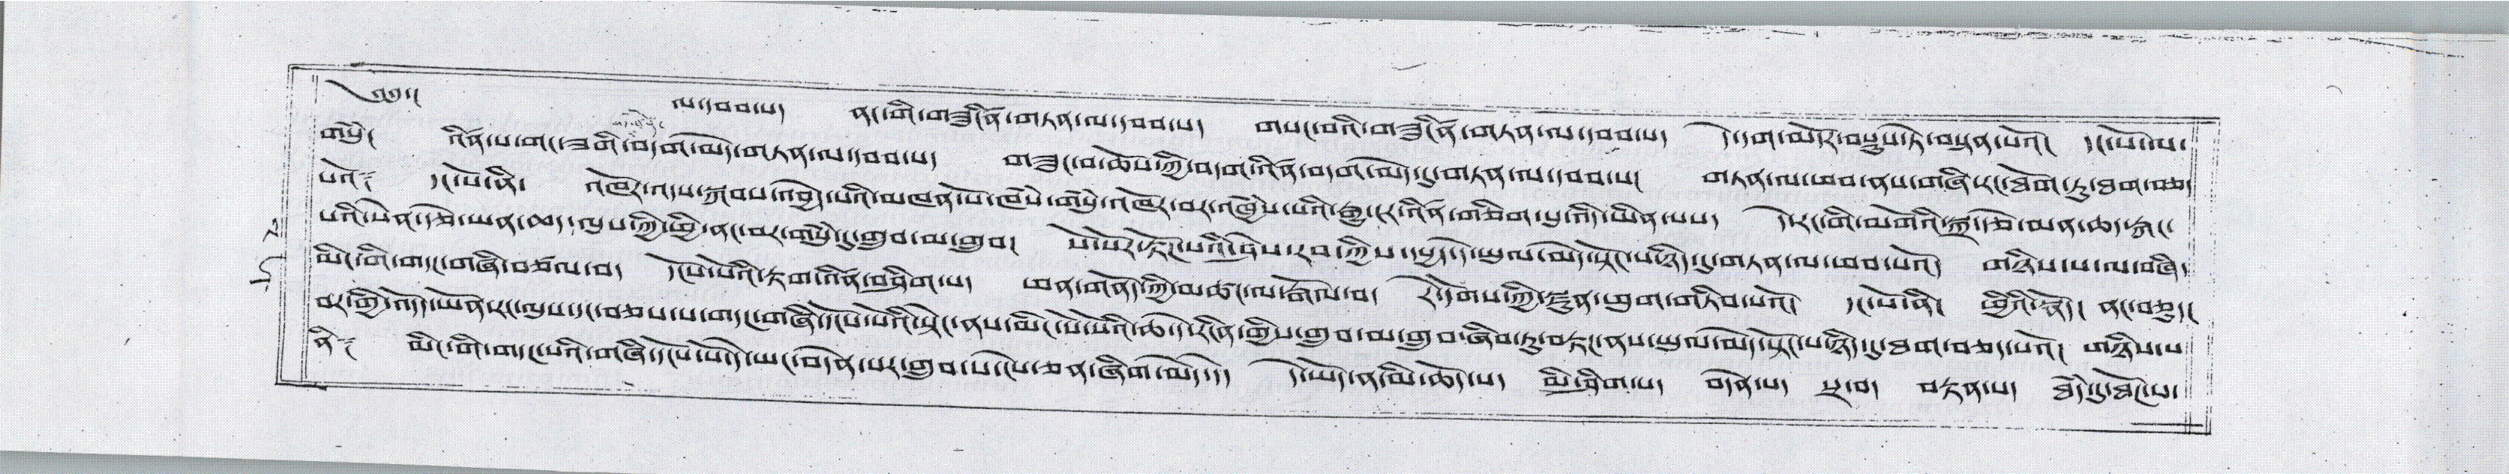ལ་དབབ་པ། ནང་གི་བཟུང་གཏན་ལ་དབབ་པ་ གསང་བའི་བཟང་གཏན་པ་དབབ་པ་ དེ་དག་མདོར་བསྡུས་བསྟན་པའོ་ དང་པོ་ལ
གསུམ་ འོན་གང་ཟག་བདག་མེད་གཏན་ལ་དབབ་པ་ གཟུང་བ་ཆོས་ཀྱི་བདག་འོན་བདག་མེད་དུ་གཏན་ལ་དབབ་པ་ གཏན་ལ་ཕབ་ནས་གཞི་རང་ཐོག་ཏུ་ཐག་བཅད་
པའོ། དང་པོ་ནི། འཁོར་འདས་སྐབས་འབྱེད་པའི་མཁན་པོ་ཁམས་གསུམ་འཁོར་བར་འཁྱམས་པའི་རྒྱུ་ངར་འཛིན་གཅིག་པུ་འདི་ཡིན་པས། དེ་རང་གི་མགོ་ཡི་སྐྲ་རྩེ་མན་ཆད་རྐང་
པའི་སེན་རྩེ་ཡན་ཆད་ལུས་ཀྱི་ཕྱི་ནང་བར་གསུམ་དུ་གྲུབ་མ་གྲུབ། སོ་སོར་རྟོག་པའི་ཤེས་རབ་ཀྱིས་དཔྱད་དེ་ཡུལ་མེད་སྟོང་པ་ཉིད་དུ་གཏན་ལ་ཕབ་པའོ། གཉིས་པ་ལ་བཞི། 
མིང་གི་གདགས་གཞི་བཙལ་བ། དངོས་པོའི་རྟག་འཛིན་བཤིགས་པ། ཕན་གནོད་ཀྱི་འཚང་ལ་རྒོལ་བ། རེ་དྭོགས་ཀྱི་རྫུན་ཕུག་གཏིབ་པའོ། དང་པོ་ནི། ཕྱིའི་སྣོད། ནང་གི་བཅུད། 
བར་གྱི་འདོད་ཡོན་རང་ལུས་དང་བཅས་པ། གདགས་གཞི་དངོས་པོའི་སྟེང་ནས་མིང་སོ་སོའི་ཆ་དེ་རང་བཞིན་གྱིས་གྲུབ་མ་གྲུབ་ཞིབ་ཏུ་བརྟགས་ནས་ཡུལ་མེད་སྟོང་པ་ཉིད་དུ་ཐག་བཅད་པའོ། གཉིས་པ་
ནི། མིང་གི་གདགས་པའི་གཞི་དངོས་པོ་དེ་ཡང་བདེན་པར་གྲུབ་པ་ངེས་ཅན་ཞིག་མེད་དེ། དེ་ཡོད་ན་མི་ཆོད་པ། མི་ཤིག་པ། བདེན་པ། སྲ་བ། བརྟན་པ། ཐམས་ཅད་དུ་ཐོགས་པ་